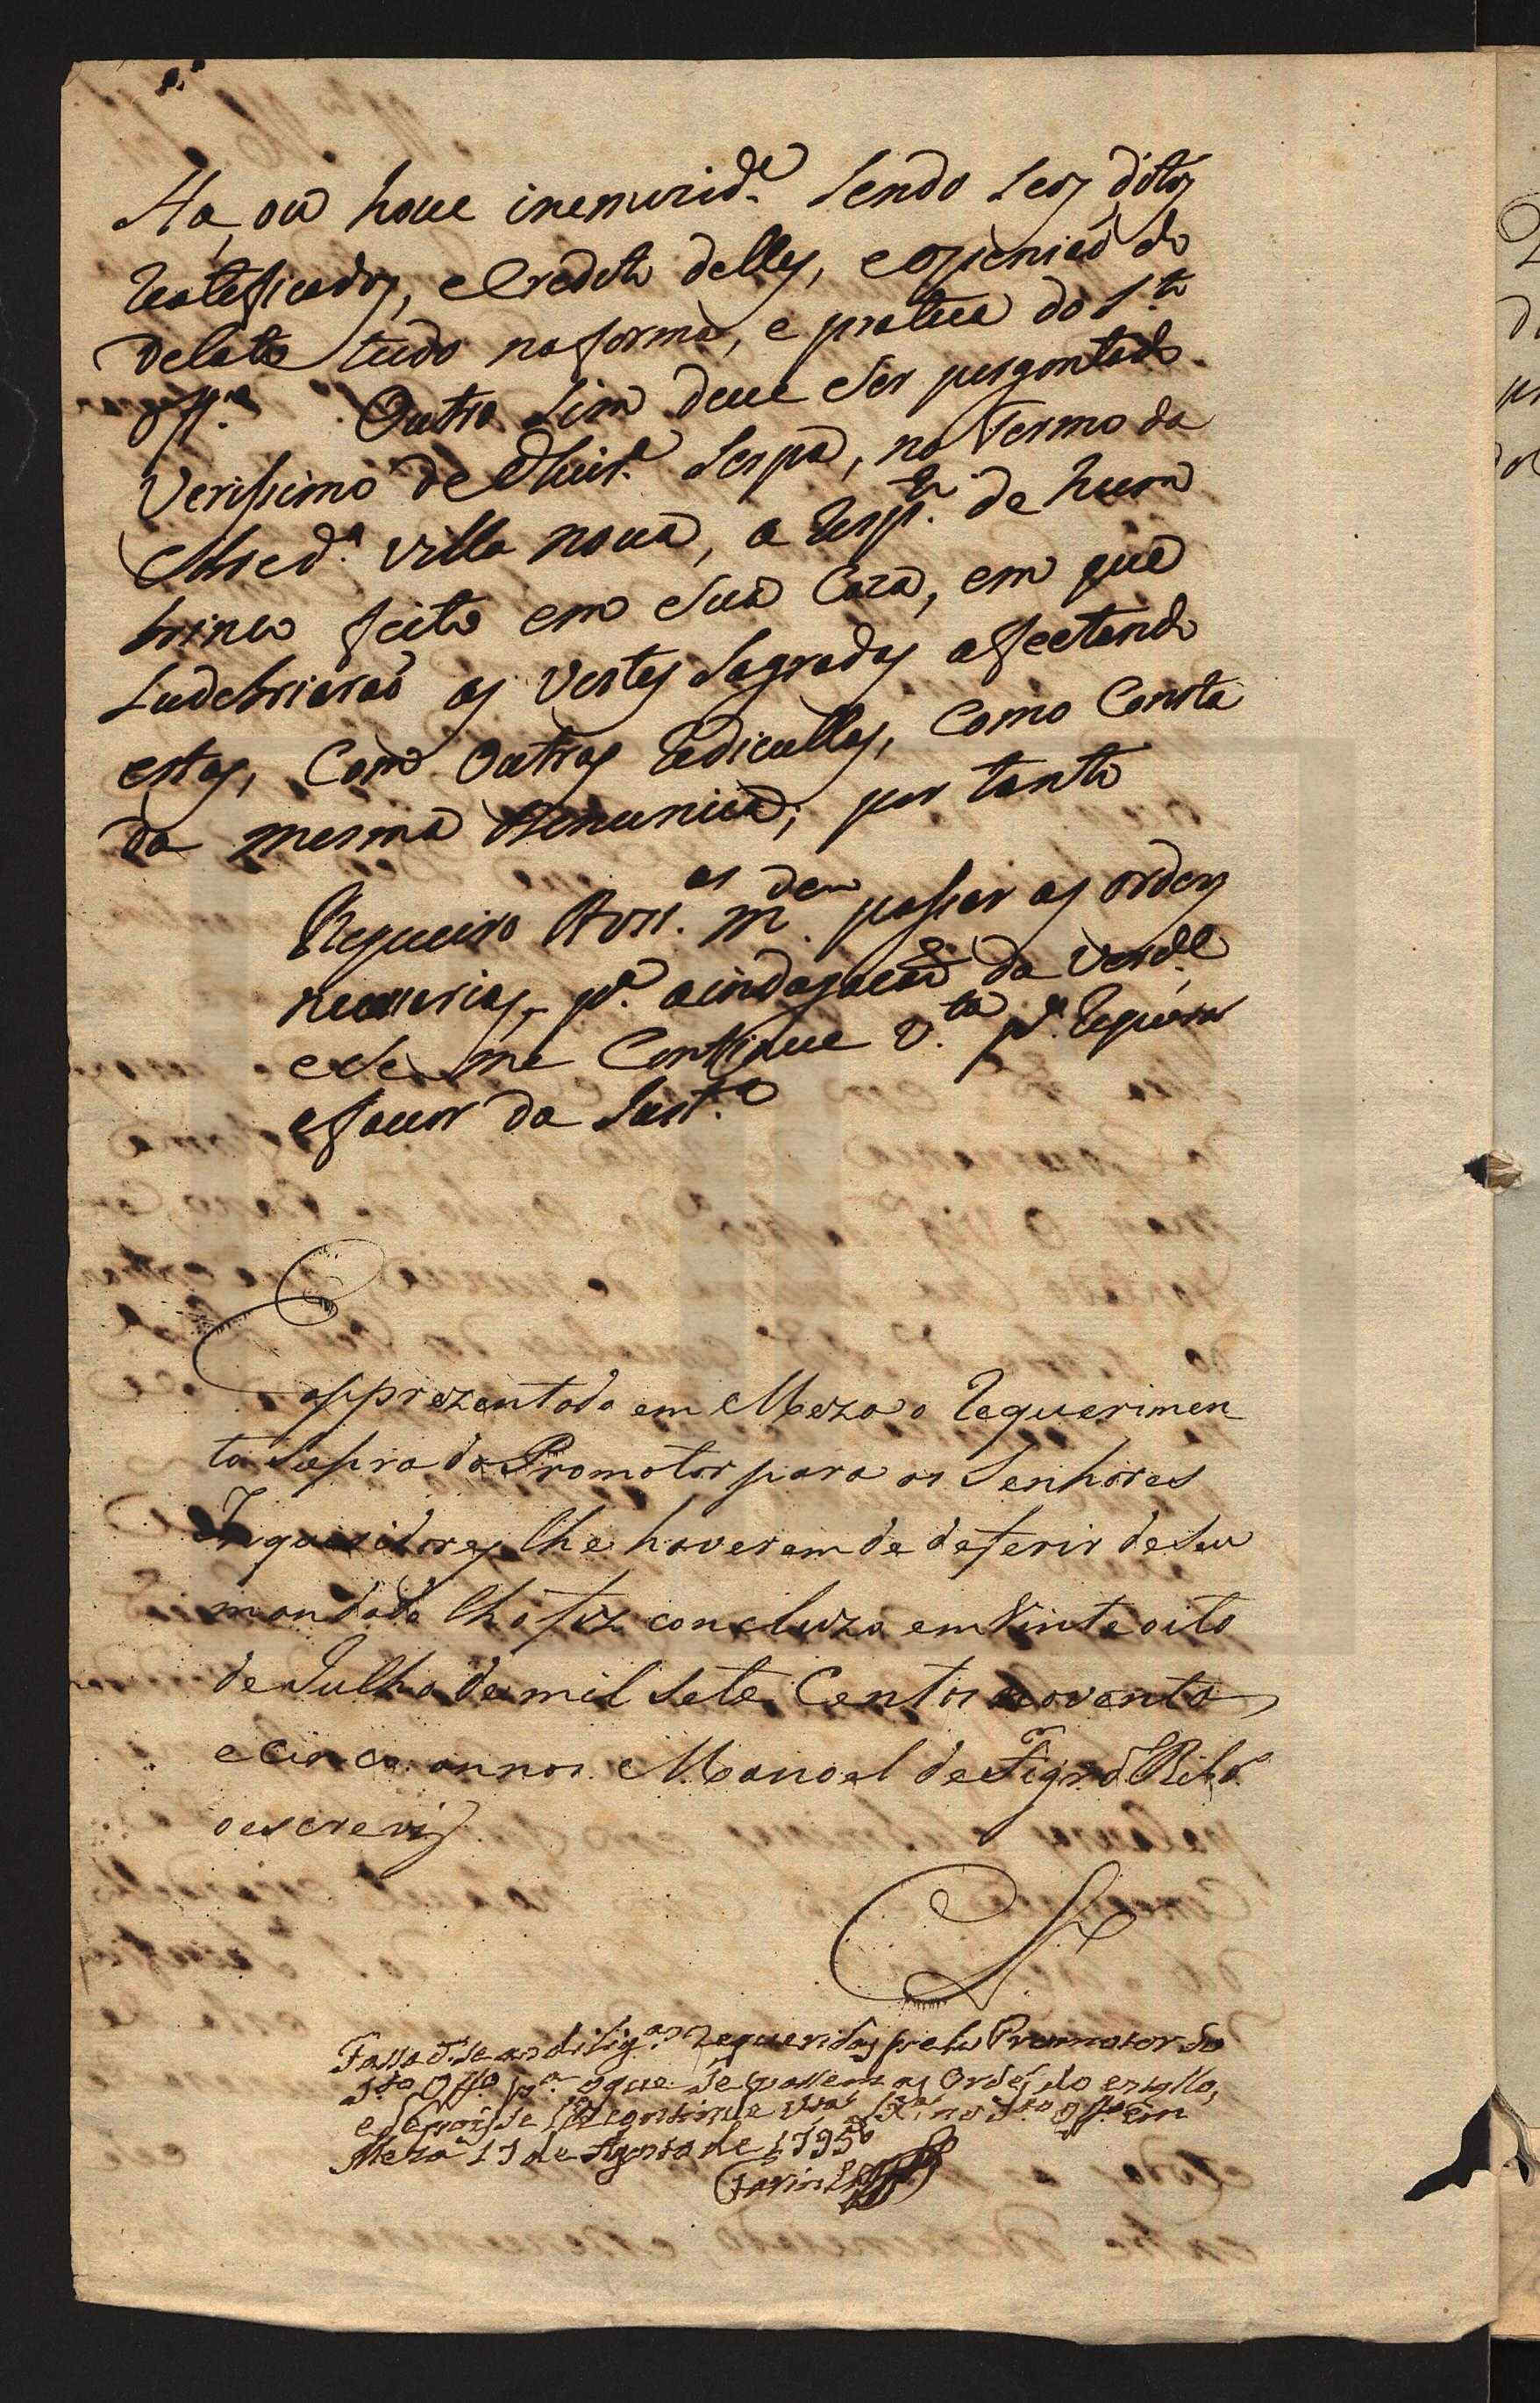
Ha, ou houe inemizid.e sendo seos ditos
Reateficados, e Credito delles, e openiaõ do
delato tudo na forma, e pratica do s.to
off.o Outrosim deue ser pergontado
Verissimo de Oliur.a Serpa, no Termo da
sobred.a villa noua, a Resp.to de hum
brinco feito em sua caza, em que
Ludebriaraõ as vestes sagradas afectando
estas, com outras Redicullas, como consta
da mesma denuncia; portanto
Requeiro A vss.as m.dem passar as ordens
necessarias, p.a a indagaçaõ da verd.e
e se me Continue v.ta p.a Requerir
o fauor da Iust.a
E apprezentado em Meza o Requerimen
to Supra do Promotor para os Senhores
Inquisidores lhe haverem de deferir de Seu
mandado lho fiz concluzo em Vinte oito
de Iulho de mil seteCentos noventa
e cinco annos. e Manoel de Figrdo Ribr.o
o escrevi
CL.x
Fassaõ-se as dilig.as Requeridas pelo Promotor do
s.to Off.o p.a o que se passem as Ordẽs do estyllo,
e depois se lhe continue v,ta Lx.a no S.to Off.o em
Meza 17 de Agosto de 1795
